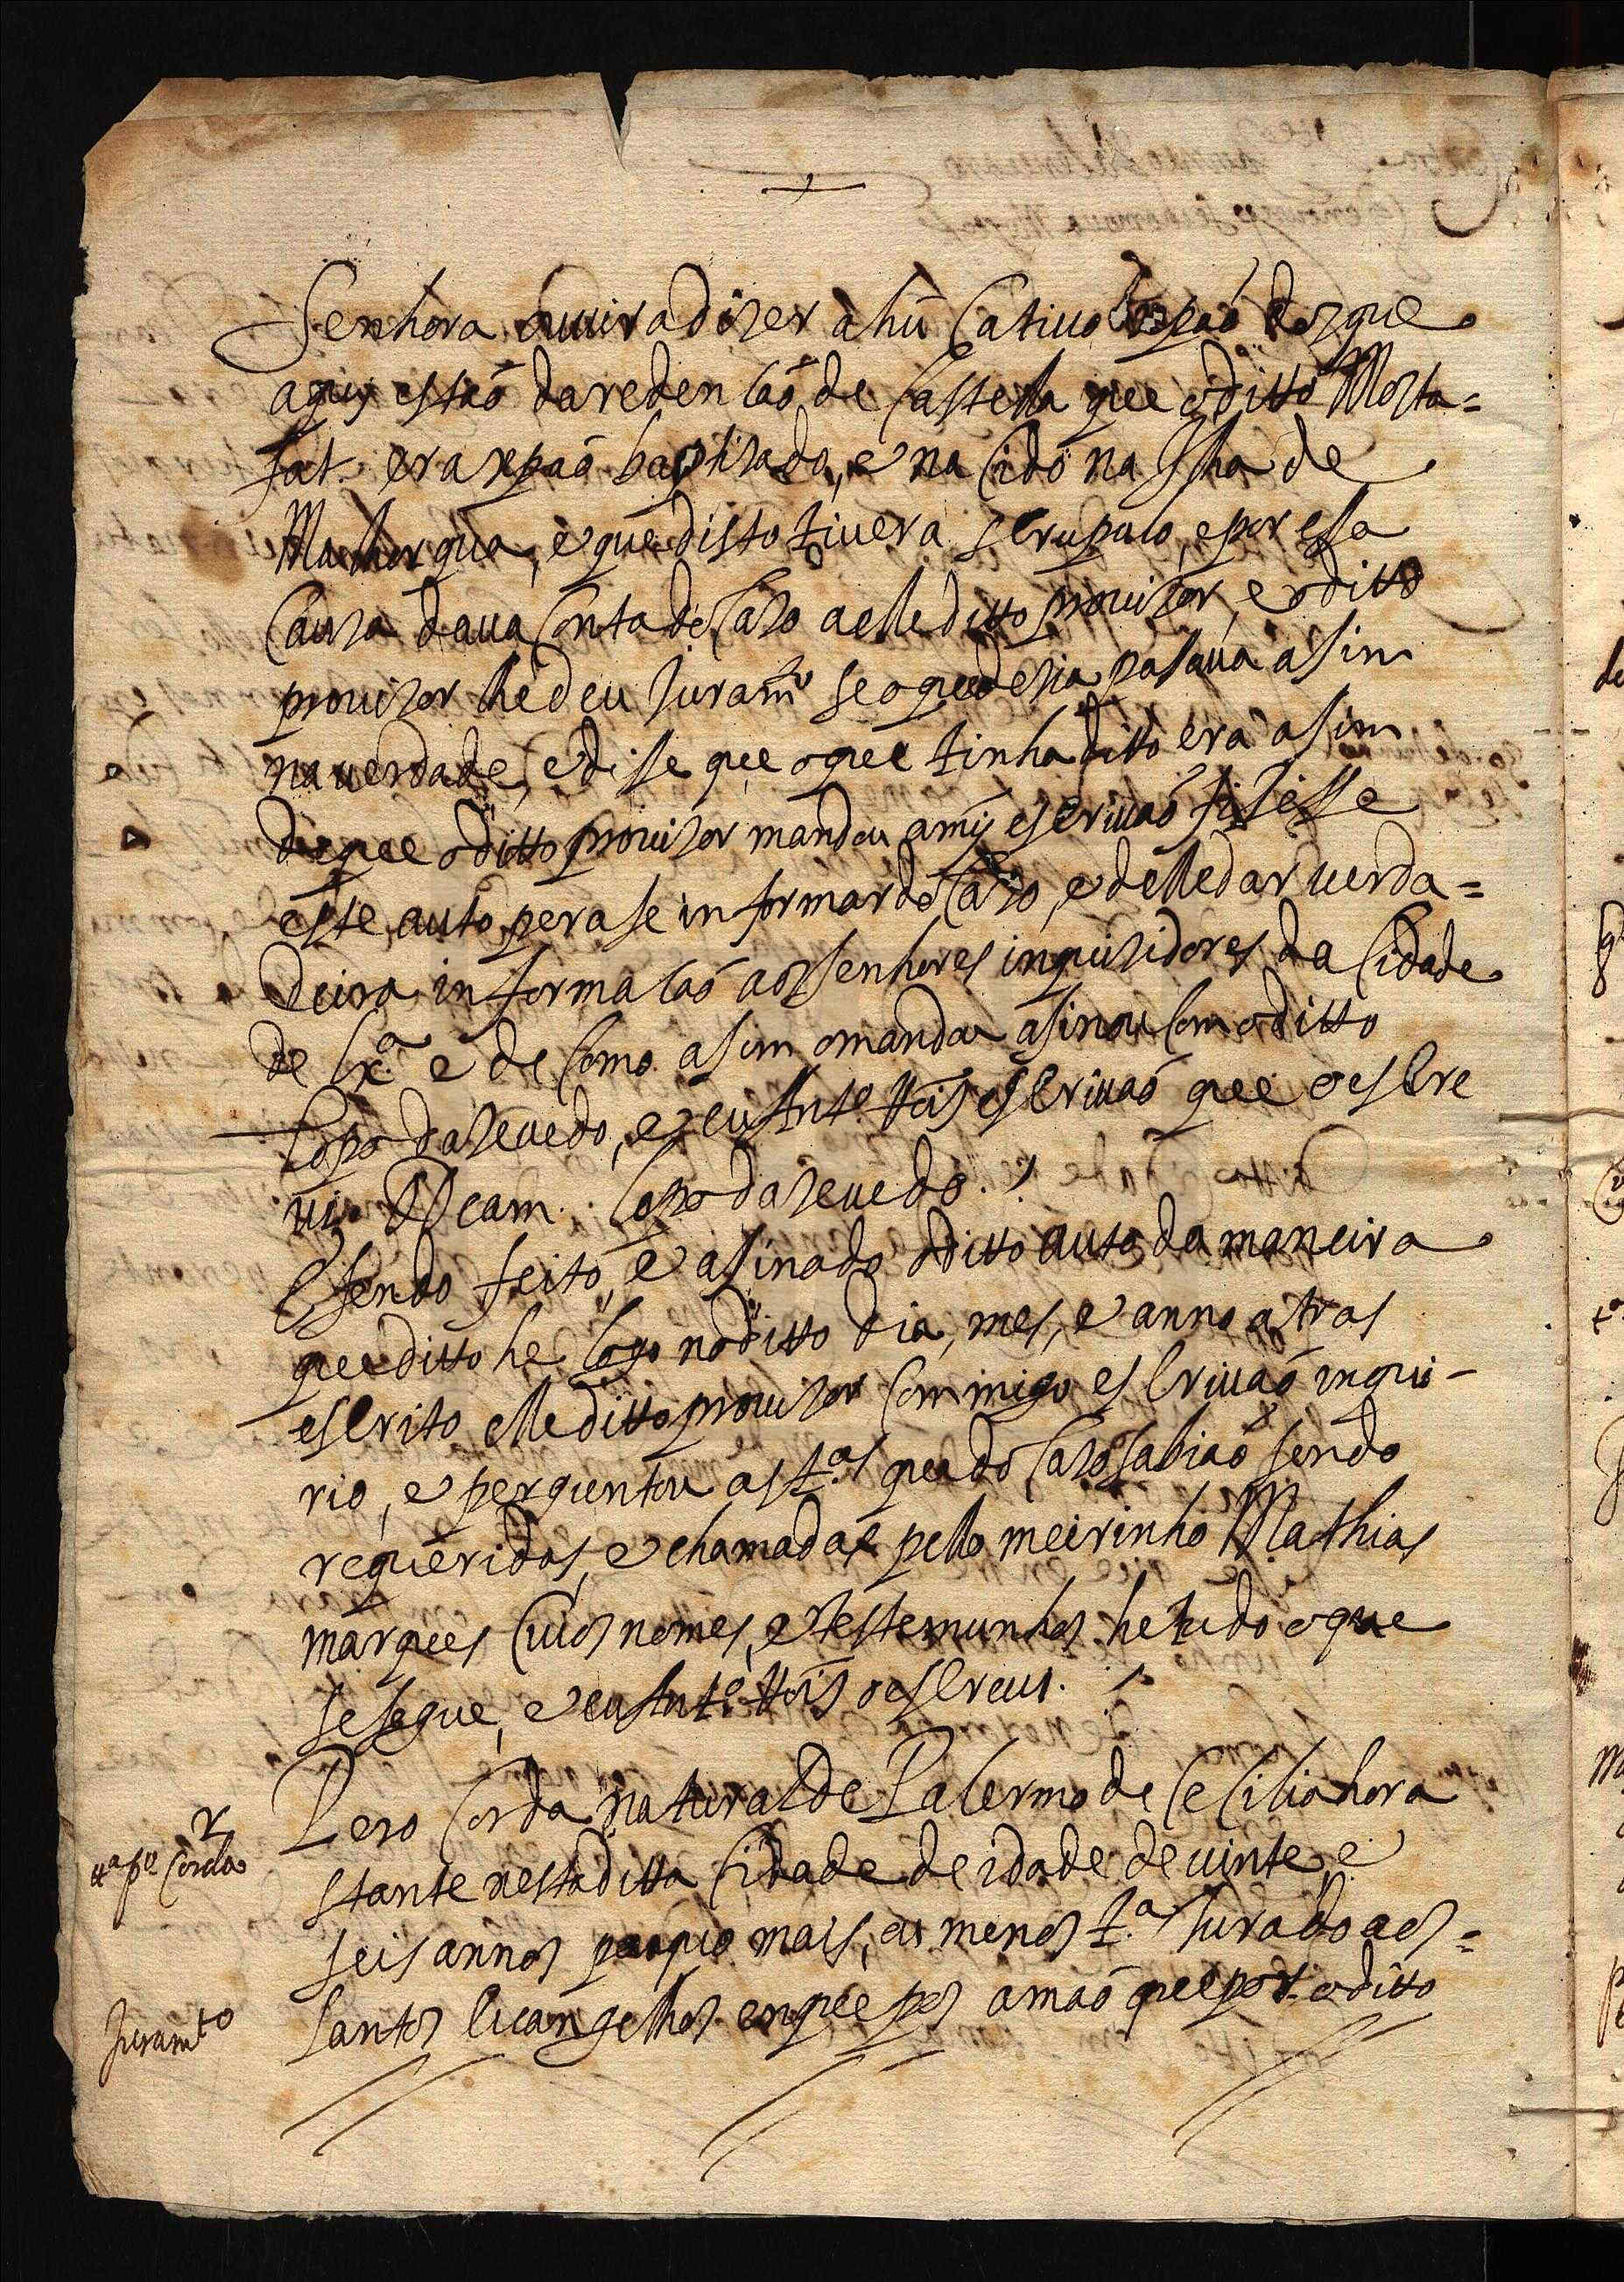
Senhora ouuira dizer a hū Catiuo xpaõ doz que
aquy estaõ da redençaõ de Castella que o ditto Mozta
fat era xpaõ baptizado, e naCido na Jlha de
Malhorqua, e que disto tiuera scrupulo, e por essa
Cauza daua Conta do Cazo a elle ditto prouizor, e o ditto
prouizor lhe deu Juramto se o que dezia passaua asim
na uerdade, e disse que o que tinha ditto era asim
do que o ditto prouizor mandou a mȳ escriuaõ fizesse
este auto pera se informar do Cazo, e delle dar uerda
deira informaçaõ aos Senhores inquizidores da Cidade
de lx.a e de Como asim o mandou asinou Com o ditto
Lopo dazevedo, e eu Ant.o Roīs escriuaõ que o escre
ui. O Deam Lopo dazevedo.
E sendo feito, e asinado o ditto auto da maneira
que ditto he logo no ditto dia, mes, e anno atras
escrito elle ditto prouizor Commigo escriuaõ inqui
rio, e perguntou as t.as que do Cazo sabiaõ sendo
requeridas, e chamadas pello meirinho Mathias
marques Cuios nomes, e testemunhos he tudo o que
se segue, e eu Ant.o Roīs o escreui.
Pero Corda natural de Palermo de Cecilia hora
tta p.o Corda
stante nesta ditta Cidade de idade de uinte e
seis annos pouquo mais, ou menos t.a Iurado aos
Juramto
santos euangelhos en que e pos a maõ que por o ditto
